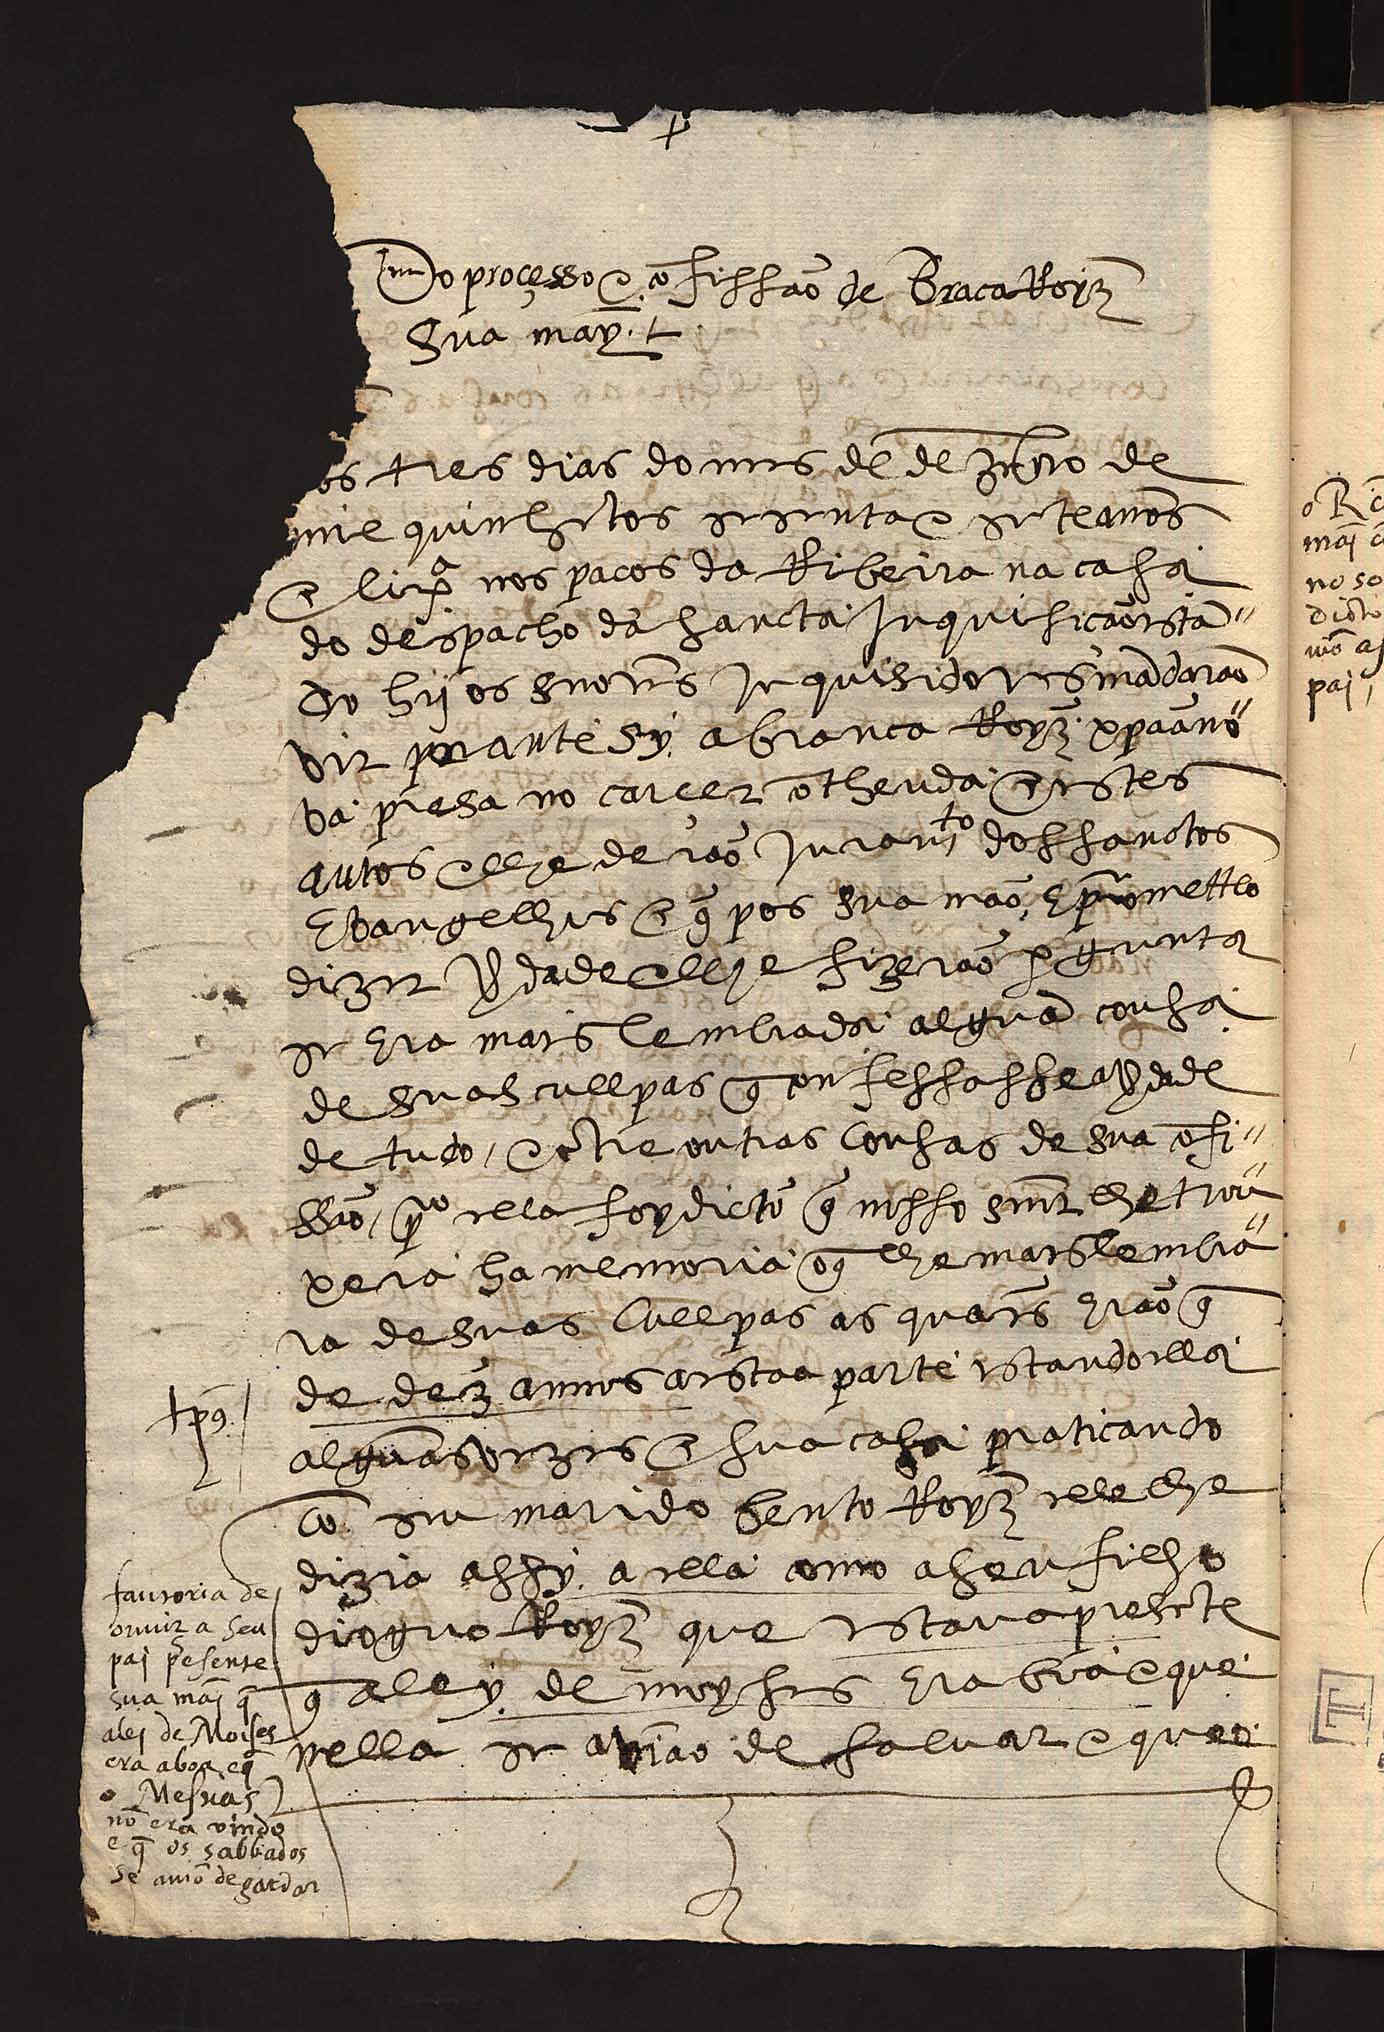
tp̄ꝯ
fautoria de
ouuir a seu
paj p̄esente
sua māj q̄
a lej de Moises
era a boa e q̄
o Messias
nō era vindo
e q̄ os sabbados
se auiō de gardar
Do proçesso e cōfissaõ de Braca Royz̄
Sua maȳ.
_os tres dias do mes de dezēbro de
mil quinhētos sessenta e sete anōs
ē lixa. nos pacos da Ribeira na casa
do despacho da sancta Jnquisição estā
do hij os snorēs Jnquisidores mādaraõ
vir perante sy a branca Royz̄ xpaā no
va presa no carçer cōtheuda ē estes
autos e lhe deraõ Juramto dos sanctos
Evangelhos ē q̄ pos sua maõ, E p̄rometteo
dizer Ꝟdade e lhe fizeraõ ꝑguntas
se Era mais lembrada alguā cousa
de suas cullpas q̄ confessasse a ꝟdade
de tudo / e ētre outras cousas de sua cōfi
ssaõ / p̄o ella foy dictō que nosso sn̄or lhe trou
xera ha memoria o q̄ lhe mais lembra
ra de suas cullpas as quaēs Eraõ q̄
de dez̄ annos a estaa parte estando ella
algūas vezes ē sua casa praticando
cō seu marido bento Royz̄ elle lhe
dizia assy a ella como a seu filho
dioguo Royz̄ que estaua presēte
q̄ a ley de moyses Era bōa e que
nella se avião de saluar e que o
